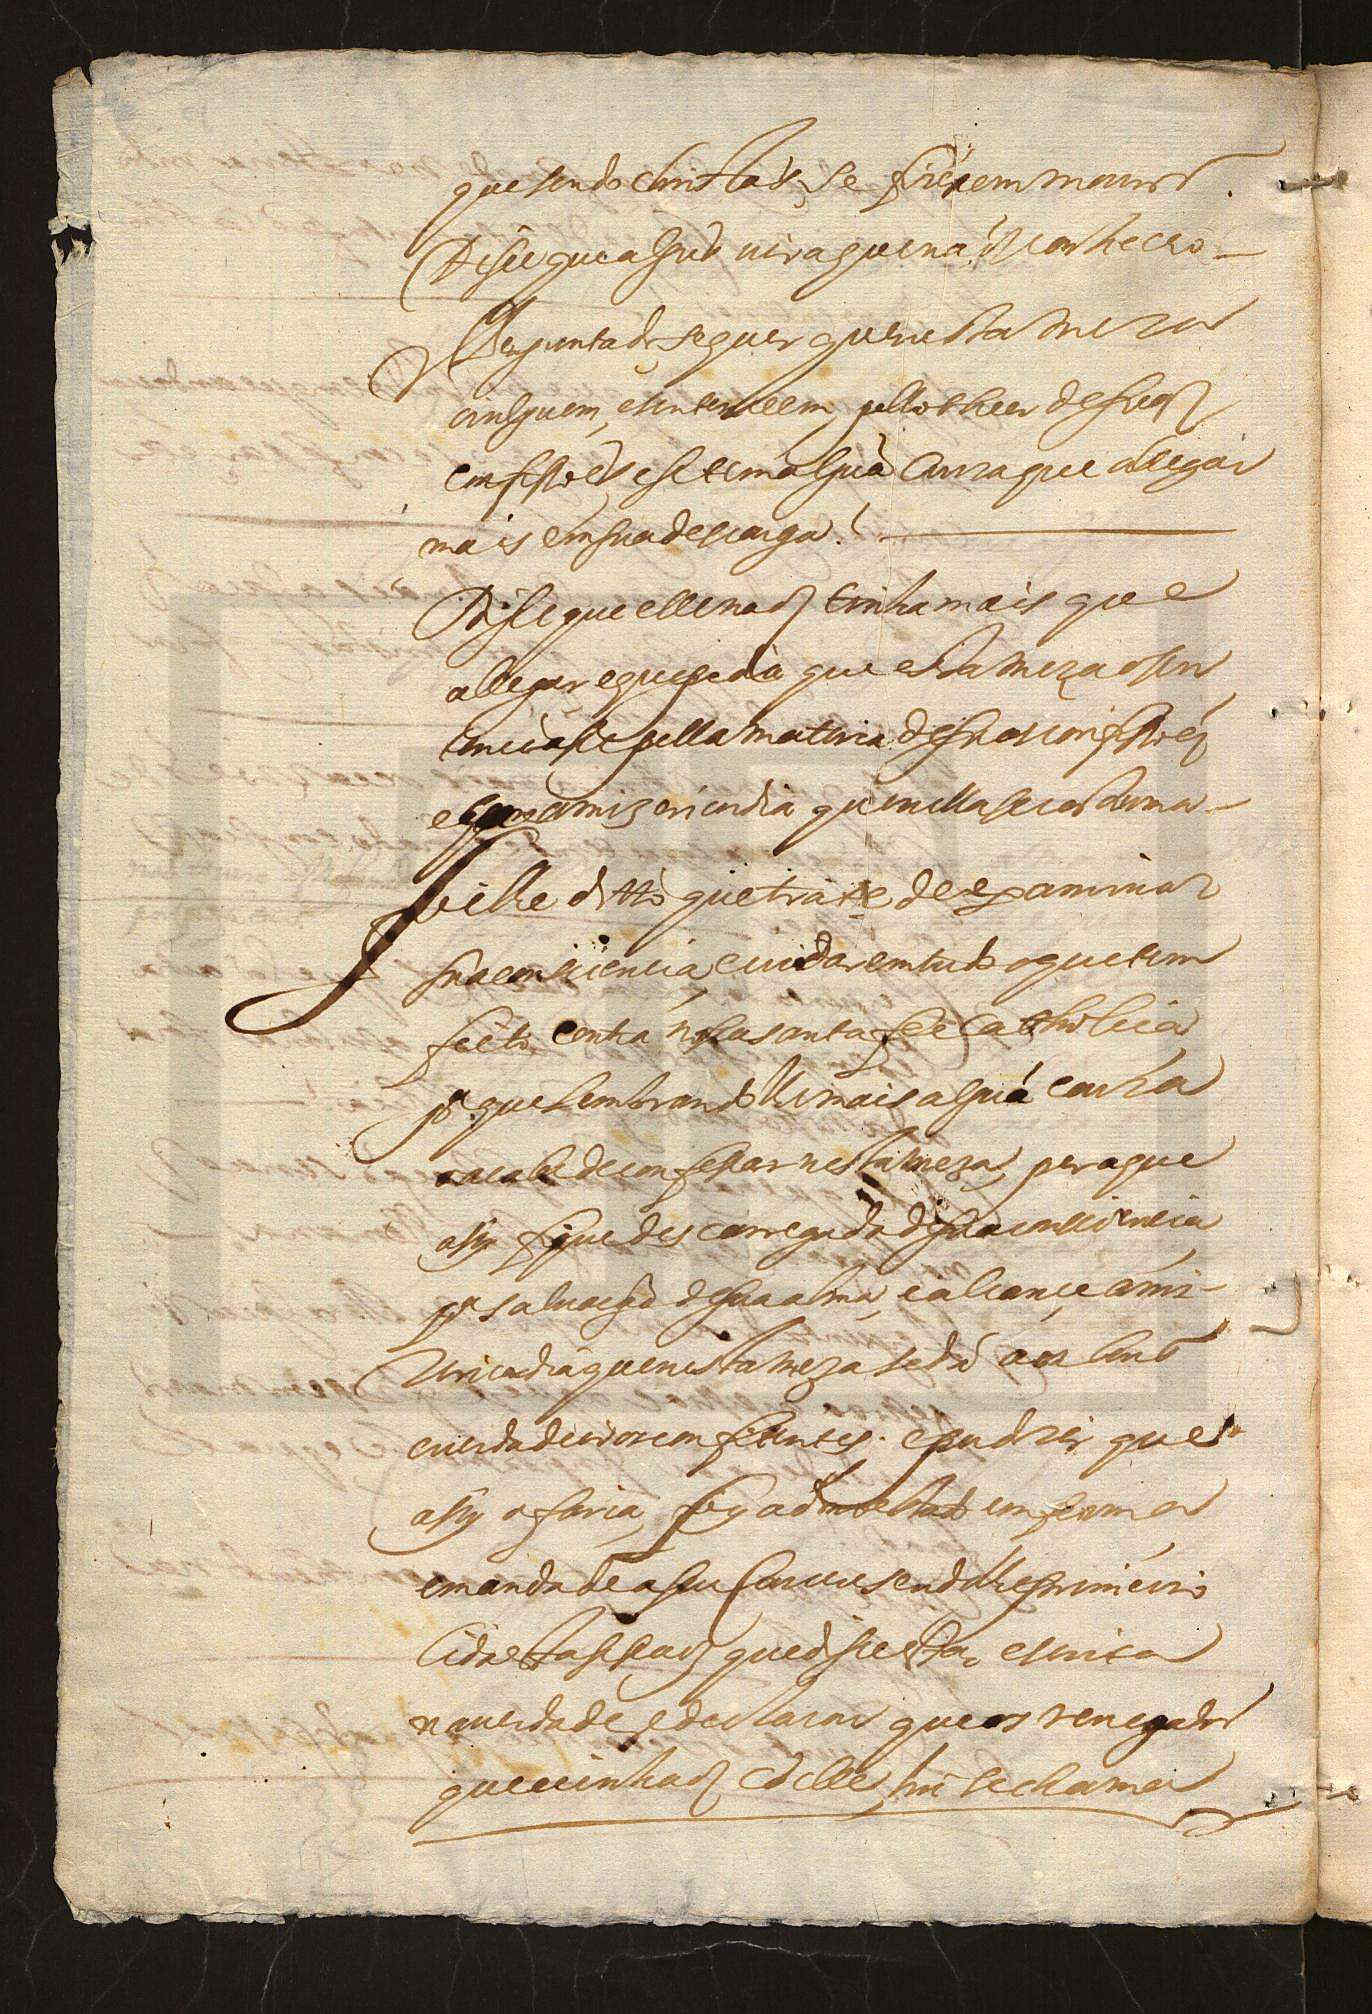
que sendo christās, se fizesem mouros.
Disse que algūs uira que naõ conheceo
item Perguntado se quer que nesta meza
o iulguem, e sentenceem pello theor de suas
confissoẽs, e se tem alguā couza que allegar
mais em sua descarga?
Disse que elle naõ tinha mais que
allegar e que pedia que esta meza o sen
tenciasse pella materia de suas confissoẽs
e com a mizericordia que nella se costuma
foilhe ditto que trate de examinar
sua consciencia, cuidar em tudo o que tem
feito contra nossa santa fee catholica
pa. que Lembrandolhe mais alguā couza
a acabe de confessar nesta meza, pera que
assy fique descarregada de sua consciencia
pa saluaçaõ de sua alma, e alcance a mi
Zericodia que nesta meza se da aos bons
e uerdadeiros confitentes. e por dizer que
assy o faria, foy admoestado em forma
e mandado a seu Carcere sendolhe primeiro
lida esta sessaõ que disse esta escrita
na uerdade e declarou que os renegados
que uinhaõ cō elle hū se chama
